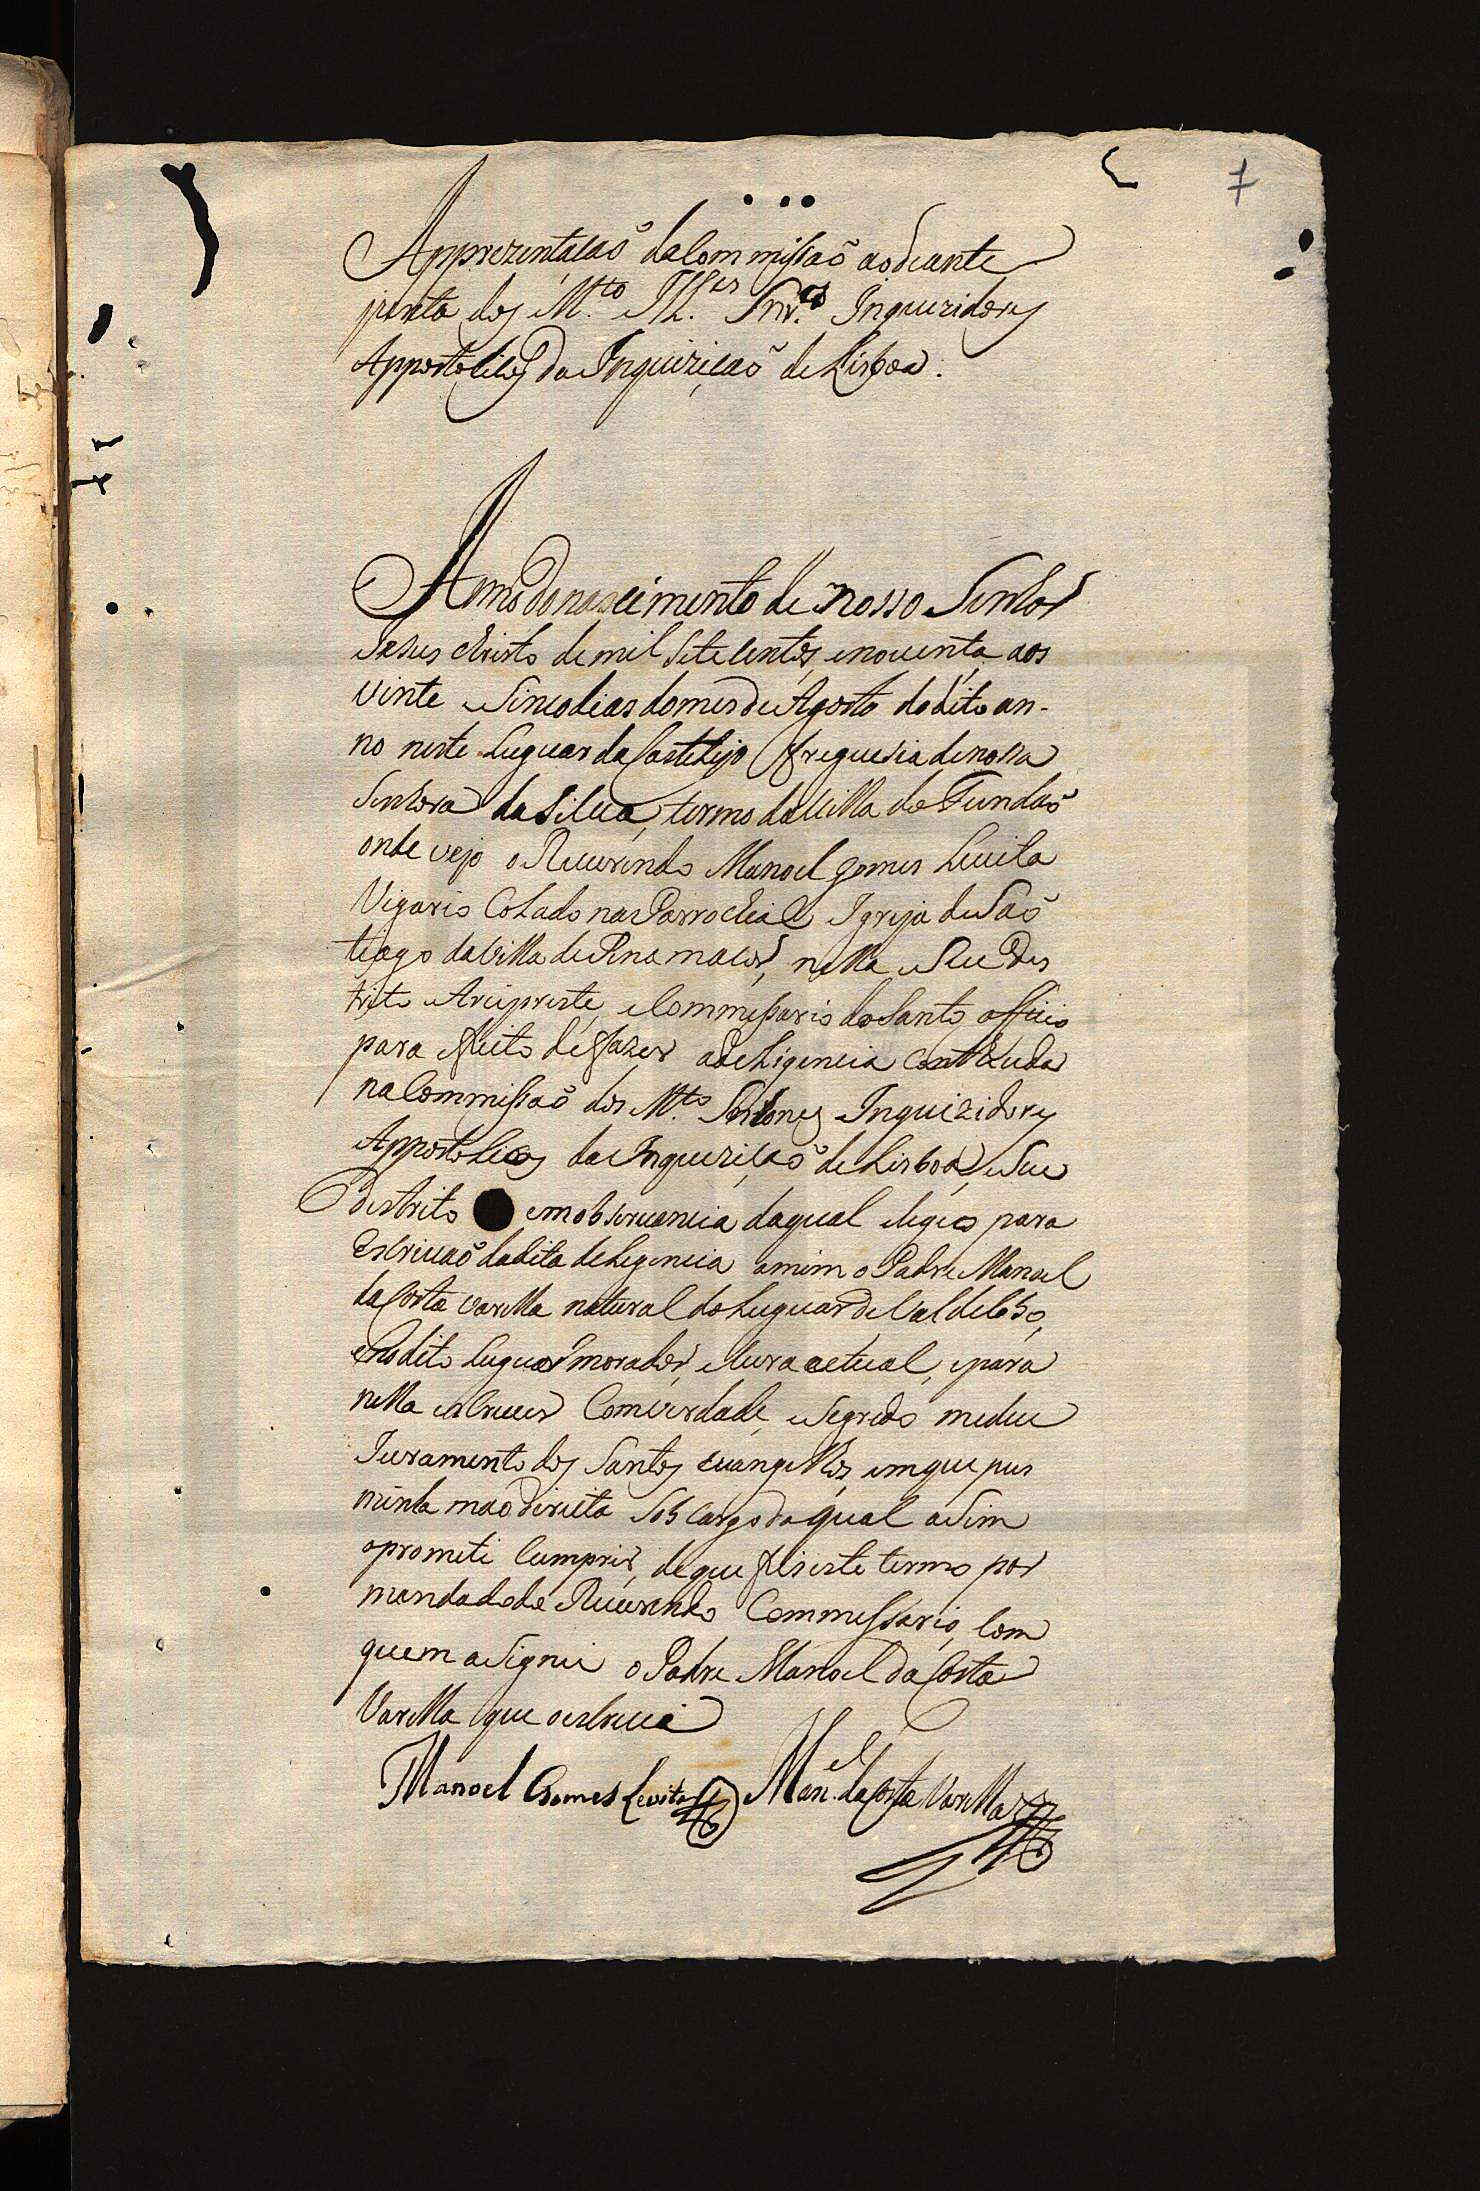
Apprezentaçaõ de Commissaõ aodiante
junta dos M.to Ill.es Snr.es Inquizidores
Appostolicos da Inquiziçaõ de Lisboa.
Anno do nascimento de nosso Senhor
Iesus christo de mil seteCentos, e nouenta, aos
vinte e sinco dias do mes de Agosto do dito an
no neste Luguar da Castelejo freguesia de nossa
senhora da Silua, termo da Uilla do Fundaõ
onde vejo o Reuerendo Manoel gomes Leuita
Vigario CoLado na Parrochial Igreja de Saõ
tiago da Villa de Penamacor, nella e seu dis
trito Arcipreste, e Commissario do Santo officio
para efeito de fazer a deLigencia contheuda
na Commissaõ dos M.to Snhores Inquizidores
AppostoLicos da Inquiziçaõ de Lisboa, e Seu
distrito _ em obseruancia da qual elegeo para
Escriuaõ da dita deLegencia a mim o Padre Manoel
da Costa varella natural do Luguar de Valdelobo,
e no dito Luguar morador, e Cura actual, e para
nella esCreuer Com verdade, e segredo me deu
Iuramento dos Santos Euangelhos, em que pus
minha mao direita sobCargo do qual aSim
o prometi Cumprir, de que fis este termo por
mandado de Reuerendo Commissario, Com
quem asignei o Padre Manoel da Costa
Varella que o esCreui
Manoel Gomes Levita
Man.el da Costa Varella
